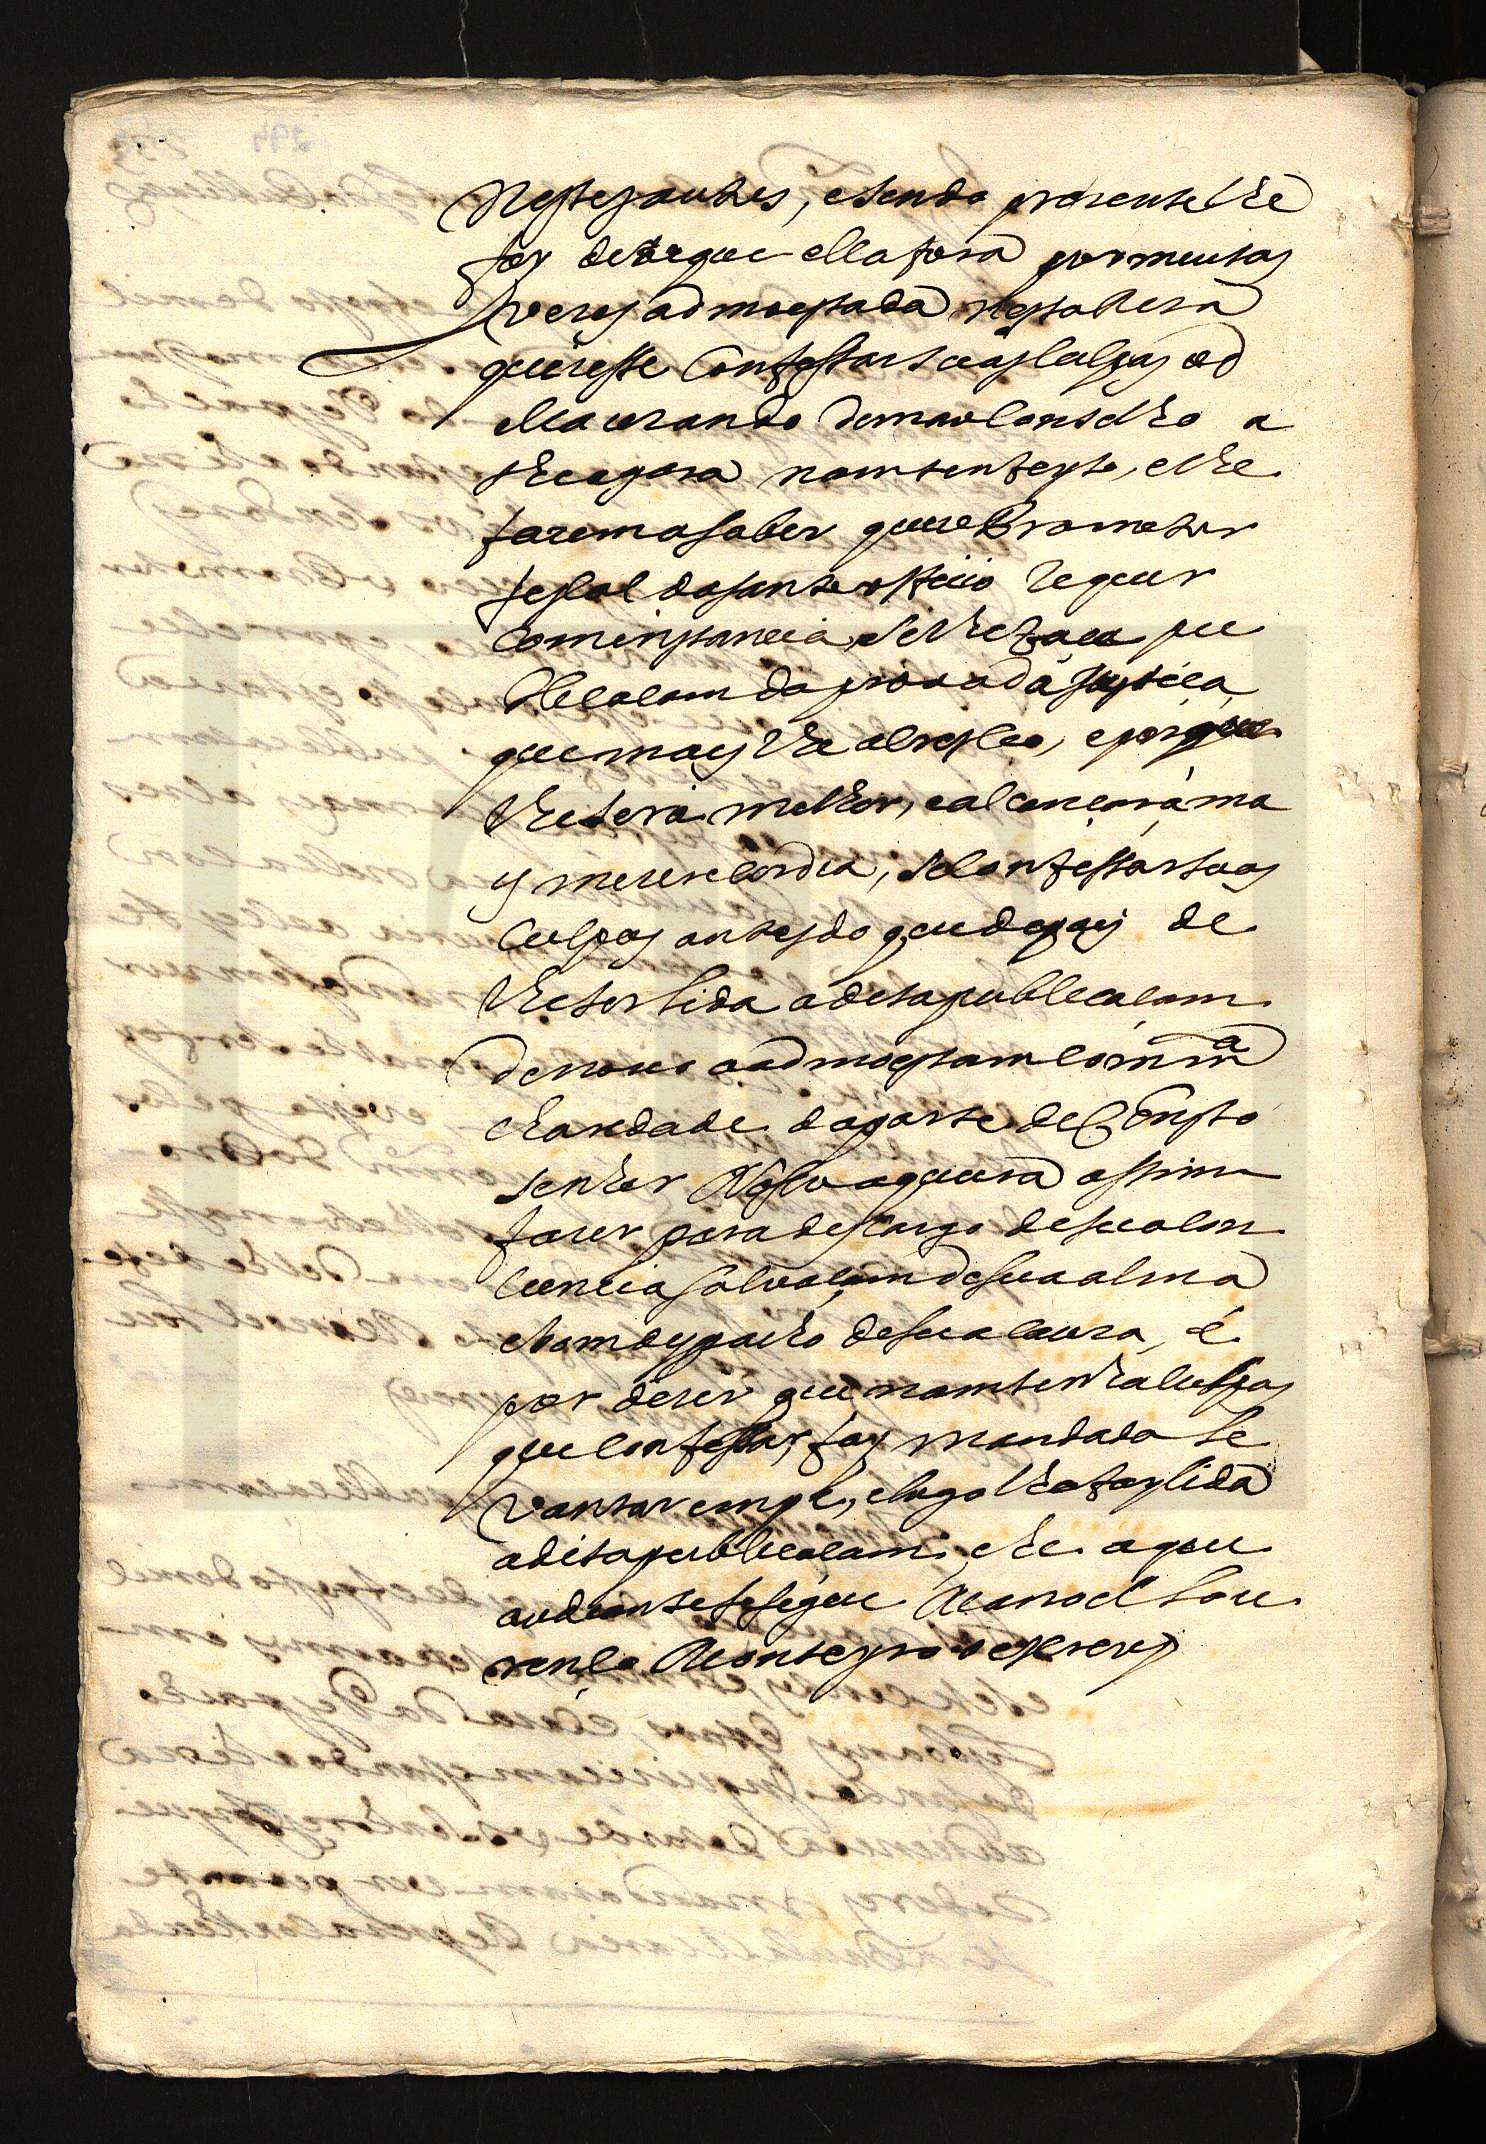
nestes autos, e sendo prezente lhe
foy dito que ella presa por muitas
vezes admoestada nesta Meza
quizesse Confessar suas Culpas o q̄
ella uzando de mao conselho a
the agora nam tem feyto, e lhe
fazem a saber que o Promotor
fisCal do santo officio Requer
com instancia, se lhe faça pu
blicacam da prova da Justiça,
que maes lhe aCresCeo, e porque
lhe sera melhor, e alcançará ma
is mezerecordia, se confessar suas
Culpas antes do que depois de
lhe ser Lida a dita publicaçam
de nouo a admoestam com mta
charidade da parte de Christo
senhor Nosso a queira assim
fazer para descargo de sua con
ciencia salvaçam de sua alma,
e bom despacho de sua cauza, e
por dezer que nam tinha culpas
que confessar, foy mandada Le
vantar em pé e logo lhe foy lida
a dita publicaçam, e he a que
aodiante se segue Manoel Lou
renço Monteyro o escrevy
